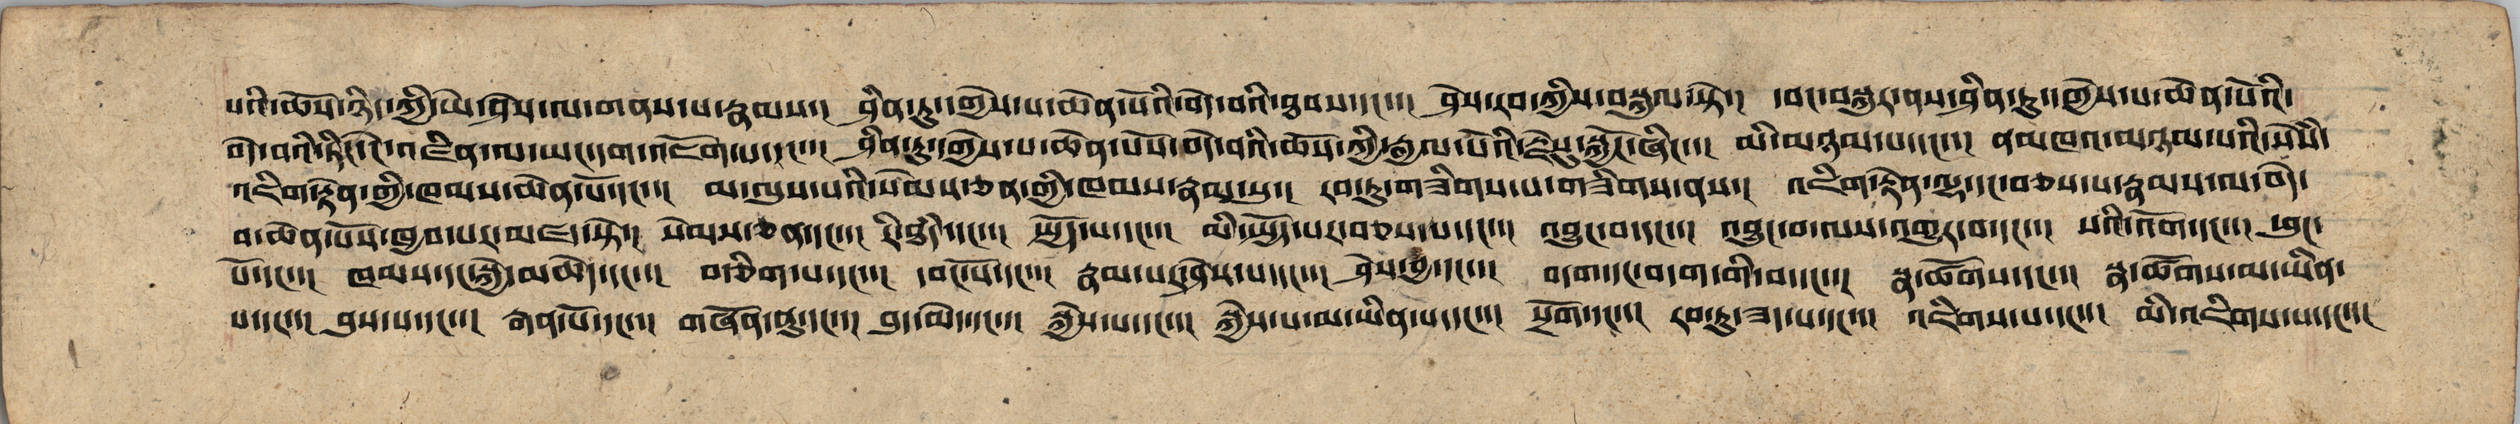པའི་ཆོས་ཉིད་ཀྱི་ཡེ་ཤེས་ལ་གནས་པ་རྣམས་། ཤིན་ཏུ་དགྱེས་པ་ཆེན་པོའི་བདེ་བའི་ཐབས་དང་་། ཤེས་རབ་ཀྱིས་བསྐུལ་སྟེ་། དབང་བསྐུར་ནས་ཤིན་ཏུ་དགྱེས་པ་ཆེན་པོའི་
བདེ་བའི་ཏིང་ངེ་འཛིན་ལ་ཡང་དག་འཇོག་པ་དང་་། ཤིན་ཏུ་དགྱེས་པ་ཆེན་པོས་བདེ་བའི་ཆོས་ཀྱི་རྒྱལ་པོའི་རྗེསུ་སྐྱོང་ཞིང་་། མི་མཉམ་པ་དང་་། ནམཁའ་མཉམ་པའི་སེསཾ་
འཇིག་རྟེན་གྱི་ཁམས་ཆེན་པོ་དང་་། མ་ལུས་པའི་སེམས་ཅན་གྱི་ཁམས་རྣམ་སུ་། རབ་ཏུ་གཟིགས་པ་གཟིགས་ནས་། འཇིག་རྟེན་ལྷ་དང་བཅས་པ་རྣམས་ལ་བདེ་
བ་ཆེན་པོས་ཁྱབ་པར་མཛད་སྟེ་། སེམས་ཅན་དང་་། རི་ཐཾད་དང་་། སྤྱོད་པ་དང་་། མི་སྤྱོད་པར་བཅས་པ་དང་་། འབྱུང་བ་དང་་། འབྱུང་བ་ལས་འགྱུར་བ་དང་་། སའི་འོག་དང་་། ཕུང་
པོ་དང་་། ཁམས་དང་སྐྱེ་མཆེད་དང་་། བརྩིག་པ་དང་་། དབང་པོ་དང་་། རྣམ་པར་ཤེས་པ་དང་་། ཤེས་བྱ་དང་་། བདག་དང་བདག་གི་བ་དང་་། སྣ་ཚོགས་དང་་། སྣ་ཚོགས་མ་ཡིན་
པ་དང་་། བུས་པ་དང་་། རྒན་པོ་དང་་། གཞོན་ནུ་དང་་། བུ་མེད་དང་་། སྐྱེས་པ་དང་་། སྐྱེས་པ་མ་ཡིན་པ་དང་་། སྲོག་དང་་། རབ་ཏུ་ཟད་པ་དང་་། འཇིགས་པ་དང་་། མི་འཇིགས་པ་དང་་།